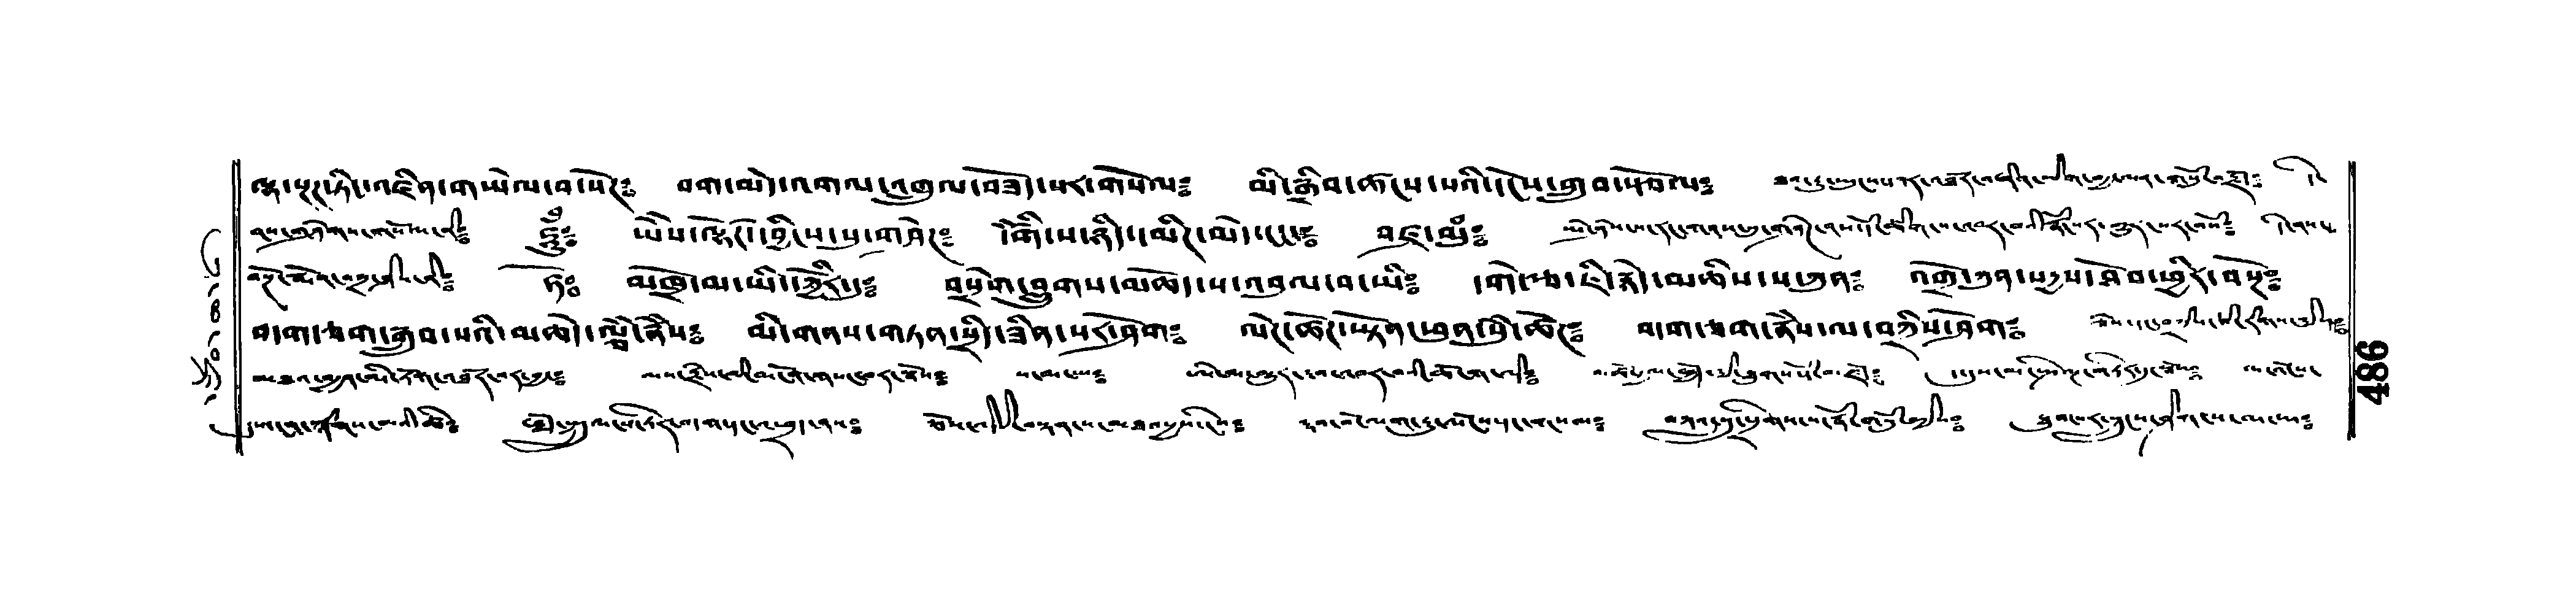ལྷ་སྔགས་ཏིང་འཛིན་གཡེལ་བ་སོགས༔ བག་མེད་འགལ་འཁྲུལ་བཟོད་པར་གསོལ༔ མི་སྒྲིབ་ཚངས་པའི་དངོས་གྲུབ་སྩོལ༔ ཐབ་ཏུ་ཡུངས་དཀར་འཐོར་བཞིན་ཡིག་བརྒྱ་ལན་གསུམ་བརྗོད༔ དེ་
ནས་གཤེགས་གསོལ་ནི༔ ཧཱུྃ༔ ཡེ་ཤེས་ལྷ་ཚོགས་དབྱིངས་སུ་གཤེགས༔ དམ་ཚིག་པ་ཉིད་དམིགས་མེད་ངང༔ བཛྲ་མུཾ༔ ཡེ་ཤེས་ས་རང་གནས་སུ་གཤེགས་ནས་དམ་ཚིག་པ་འབར་བའི་རྣམ་པར་གྱུར་པར་བསམ༔ དེ་ནས་
བསྔོ་སྨོན་བཀྲ་ཤིས་ནི༔ ཧོཿ མཁའ་འགྲོ་མ་ཡི་དཀྱིལ་འཁོར་དུ༔ སྲེག་བླུགས་མཆོད་པ་འཕུལ་བ་ཡི༔ དགེ་རྩ་ཇི་སྙེད་མཆིས་པ་ཀུན༔ འགྲོ་ཀུན་སངས་རྒྱས་ཐོབ་ཕྱིར་བསྔོ༔ 
བདག་ཅག་སྒྲུབ་པའི་མཆེད་ལྕམ་རྣམས༔ མི་གནས་གཏན་སྲིད་ཟིན་པར་ཤོག༔ ལེགས་ཚོགས་ཡོན་ཏན་ཕུན་སུམ་ཚོགས༔ བདག་ཅག་རྣམས་ལ་བཀྲ་ཤིས་ཤོག༔ ཅེས་དང་བཀྲ་ཤིས་ཅི་རིགས་ཀྱིས༔ 
མཐའ་བརྒྱན་མེ་ཏོག་འཐོར་བར་བྱ༔ ལས་རྗེས་མི་མངོན་གསང་བར་སྦོས༔ ས་མ་ཡ༔ ཨེ་མ༔མྱུར་ཟབ་འབར་བའི་ཆོ་ག་འདི༔ མཚོ་རྒྱལ་ཁྱོད་ཀྱི་ཐུགས་དམ་མཛོད༔ ད་དུས་མ་སྤེལ་གཏེར་དུ་སྦོསཿ མ་འོངས་
དུས་ངན་སྙིགས་མའི་ཚེ༔ ཁྱོད་སྤྲུལ་གཏེར་བདག་དང་འཕྲད་ནས༔ ཆོས་འདིའི་བསྟན་པ་མཐའ་རྒྱས་ངེས༔ ཟབ་བོ་ལག་ཏུ་ལོངས་དང་གསལ༔ བཀའ་སྲུང་དྲེགས་པ་རྣམ་གསུམ་གྱིསཿ ཐུབ་པར་སྲུངས་ཤིག་ས་མ་ཡ༔